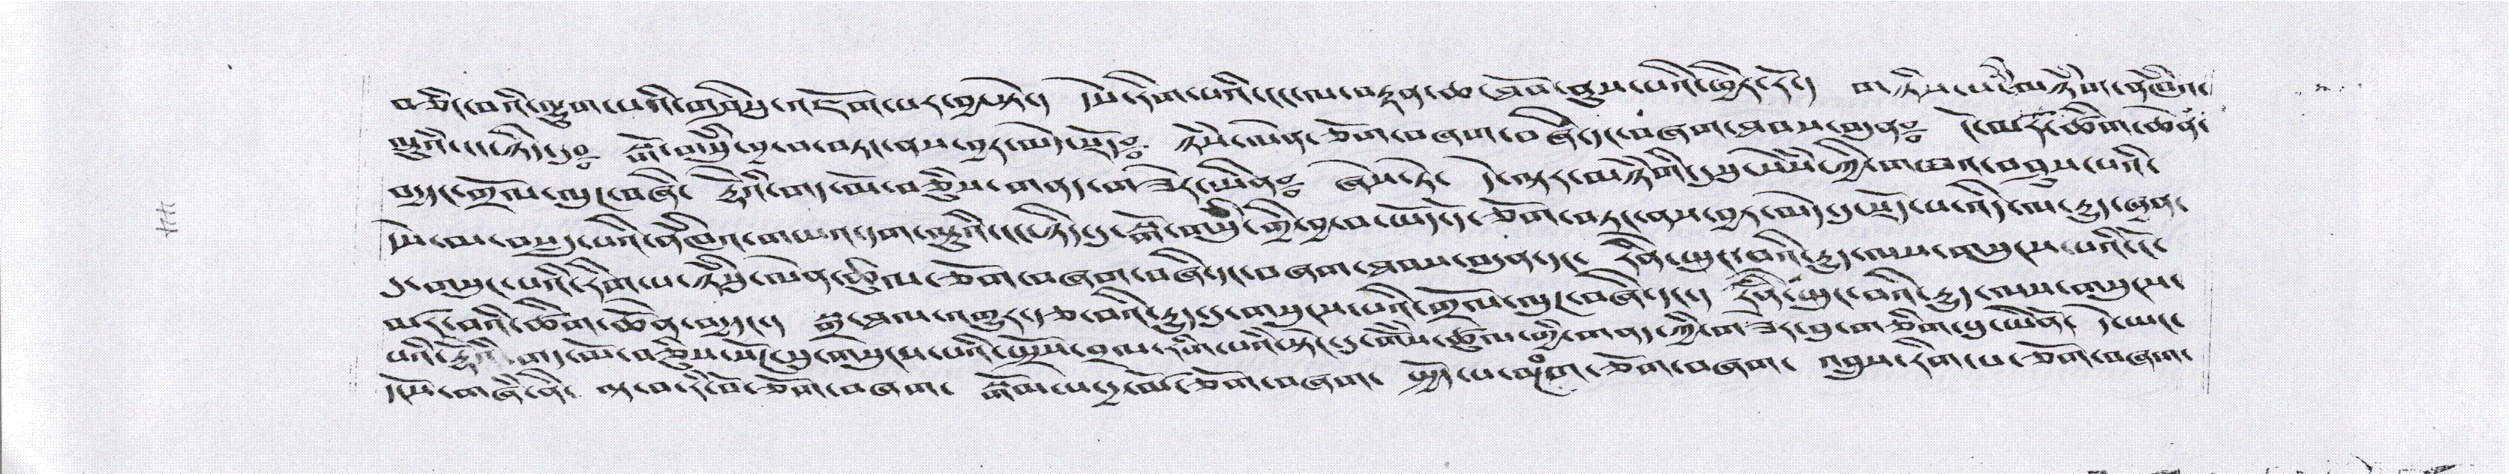བཅིང་བའི་ལྷུག་པའི་གཤིས་སུ་འཇོག་པར་བྱ་སྟེ། དེས་རིག་པའི་ངང་ལ་བརྟན་ཆ་ཐོབ་ནུས་པའི་ཕྱིར་རོ། གཉིས་པ་ནི། མཉམ་གཞག་ནམ་མཁའ་
ལྟ་བུའི་ངང་ཉིད་དུཿ སྒོ་གསུམ་བྱ་བ་བཏང་ནས་བྱར་མེད་སྡོདཿ ཉམས་ལེན་ཅོག་བཞག་བཞི་དང་བཞག་ཐབས་བདུནཿ ངོ་མཚར་ཚིག་ཆེན་
བཞི་དང་གྲོལ་ལུགས་བཞིཿ རྡོ་རྗེ་གད་མོ་བཅུ་གཉིས་གནད་གཟེར་ཡིནཿ ཞེས་ཏེ། དེ་ལྟར་མཉམ་གཞག་གི་དུས་སུ་སེམས་ཀྱི་གཡའ་བཤུས་པས་
དེས་མ་བསླད་པའི་ནམ་མཁའ་གཡའ་དག་ལྟ་བུའི་ངང་ཉིད་དུ་སྒོ་གསུམ་གྱི་བྱ་བ་ཡོད་དོ་ཅོག་བཏང་ནས་བྱར་མེད་དུ་སྡོད་པ་འདི་ལ་རྒྱུད་གཞན་
དུ་གསུངས་པའི་རིག་པ་ཉམས་སུ་ལེན་ཚུལ་ཅོག་བཞག་བཞི་དང་བཞག་ཐབས་བདུན་དང་། རིན་ཆེན་སྤུངས་པའི་རྒྱུད་ལས་གསུངས་པའི་ངོ་
མཚར་བའི་ཚིག་ཆེན་པོ་བརྒྱད་དང་། སྒྲ་ཐལ་འགྱུར་རྩ་བའི་རྒྱུད་དུ་གསུངས་པའི་གྲོལ་ལུགས་བཞི་དང་། རིན་ཆེན་སྤུངས་པའི་རྒྱུད་ལས་གསུངས་
པའི་རྡོ་རྗེའི་གད་མོ་བཅུ་གཉིས་སོགས་སུ་གསུངས་པའི་སྤྲོས་བྲལ་རིག་པའི་སྟེང་དུ་གོམས་ཚུལ་གྱི་གནད་ཀྱི་གཟེར་བུ་གཅིག་པུ་ཡིན་ནོ། དེ་ཡང་
དངོས་གཞི་ནི། ལྟ་བ་རི་བོ་ཅོག་བཞག སྒོམ་པ་རྒྱ་མཚོ་ཅོག་བཞག སྤྱོད་པ་མན་ངག་ཅོག་བཞག འབྲས་བུ་རིག་པ་ཅོག་བཞག